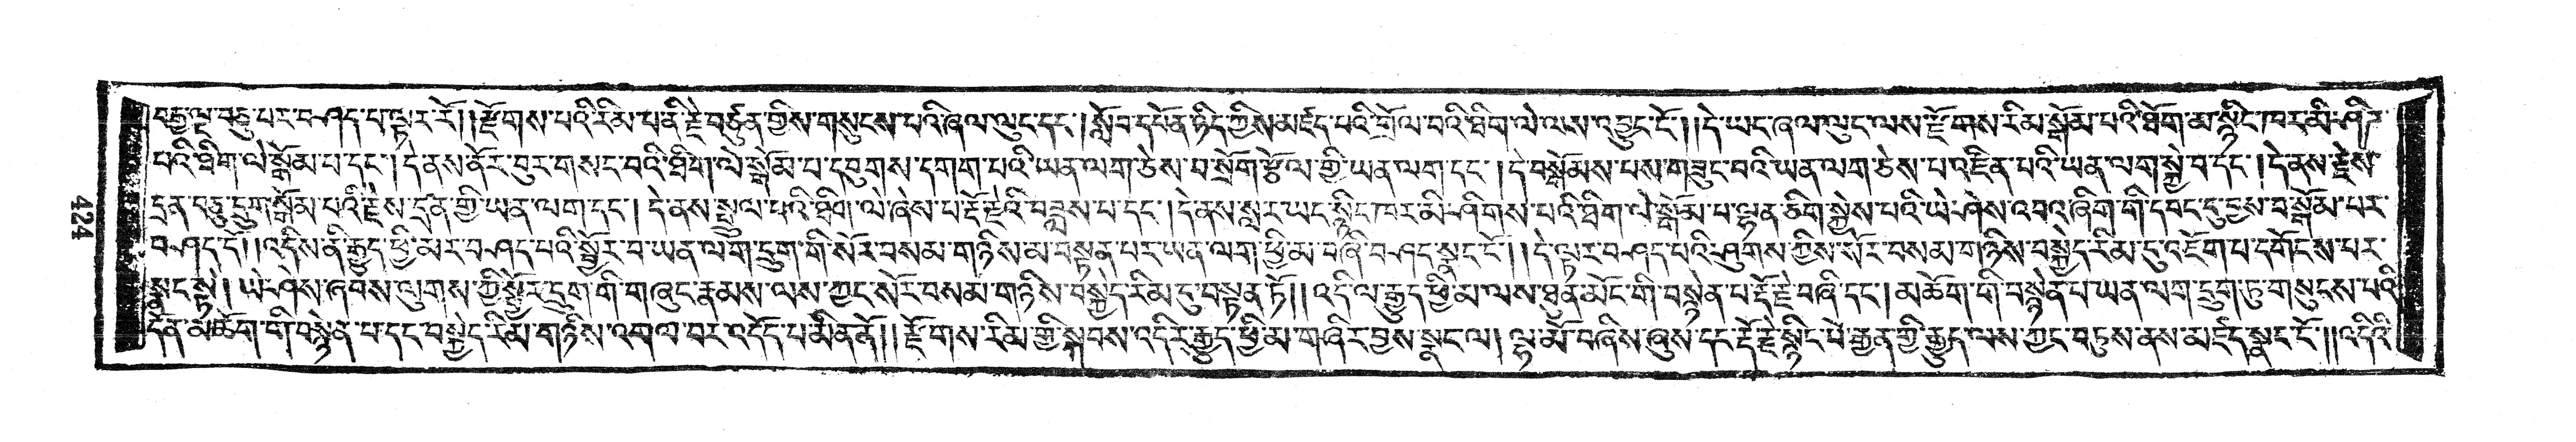བརྒྱ་ལྔ་བཅུ་པར་བཤད་པ་ལྟར་རོ། །རྫོགས་པའི་རིམ་པ་ནི་རྗེ་བཙུན་གྱིས་གསུངས་པའི་ཞལ་ལུང་དང་། སློབ་དཔོན་ཉིད་ཀྱིས་མཛད་པའི་གྲོལ་བའི་ཐིག་ལེ་ལས་འབྱུང་ངོ། །དེ་ཡང་ཞལ་ལུང་ལས་རྫོགས་རིམ་སྒོམ་པའི་ཐོག་མ་སྙིང་ཁར་མི་ཤིགས་
པའི་ཐིག་ལེ་སྒོམ་པ་དང་། དེ་ནས་ནོར་བུར་གསང་བའི་ཐིག་ལེ་སྒོམ་པ་དབུགས་དགག་པའི་ཡན་ལག་ཅེས་པ་སྲོག་རྩོལ་གྱི་ཡན་ལག་དང་། དེ་བསྒོམས་པས་གཟུང་བའི་ཡན་ལག་ཅེས་པ་འཛིན་པའི་ཡན་ལག་སྐྱེ་བ་དང་། དེ་ནས་རྗེས་
དྲན་བཅུ་དྲུག་སྒོམ་པའི་རྗེས་དྲན་གྱི་ཡན་ལག་དང་། དེ་ནས་སྤྲུལ་པའི་ཐིག་ལེ་ཞེས་པ་རྡོ་རྗེའི་བཟླས་པ་དང་། དེ་ནས་སླར་ཡང་སྙིང་ཁར་མི་ཤིགས་པའི་ཐིག་ལེ་སྒོམ་པ་ལྷན་ཅིག་སྐྱེས་པའི་ཡེ་ཤེས་འབའ་ཞིག་གི་དབང་དུ་བྱས་བསྒོམ་པར་
བཤད་དོ། །འདིས་ནི་རྒྱུད་ཕྱི་མར་བཤད་པའི་སྦྱོར་བ་ཡན་ལག་དྲུག་གི་སོར་བསམ་གཉིས་མ་བསྟན་པར་ཡན་ལག་ཕྱི་མ་བཞི་བཤད་སྣང་ངོ། །དེ་ལྟར་བཤད་པའི་ཤུགས་ཀྱིས་སོར་བསམ་གཉིས་བསྐྱེད་རིམ་དུ་འཇོག་པ་དགོངས་པར་
སྣང་སྟེ། ཡེ་ཤེས་ཞབས་ལུགས་ཀྱི་སྦྱོར་དྲུག་གི་གཞུང་རྣམས་ལས་ཀྱང་སོར་བསམ་གཉིས་བསྐྱེད་རིམ་དུ་བསྟན་ཏོ། །འདི་ལ་རྒྱུད་ཕྱི་མ་ལས་ཐུན་མོང་གི་བསྙེན་པ་རྡོ་རྗེ་བཞི་དང་། མཆོག་གི་བསྙེན་པ་ཡན་ལག་དྲུག་ཏུ་གསུངས་པའི་
དོན་མཆོག་གི་བསྙེན་པ་དང་བསྐྱེད་རིམ་གཉིས་འགལ་བར་འདོད་པ་མིན་ནོ། །རྫོགས་རིམ་གྱི་སྐབས་འདིར་རྒྱུད་ཕྱི་མ་གཞིར་བྱས་སྣང་ལ། ལྷ་མོ་བཞིས་ཞུས་དང་རྡོ་རྗེ་སྙིང་པོ་རྒྱན་གྱི་ལས་ཀྱང་བཏུས་ནས་མཛད་སྣང་ངོ། །འདིའི་